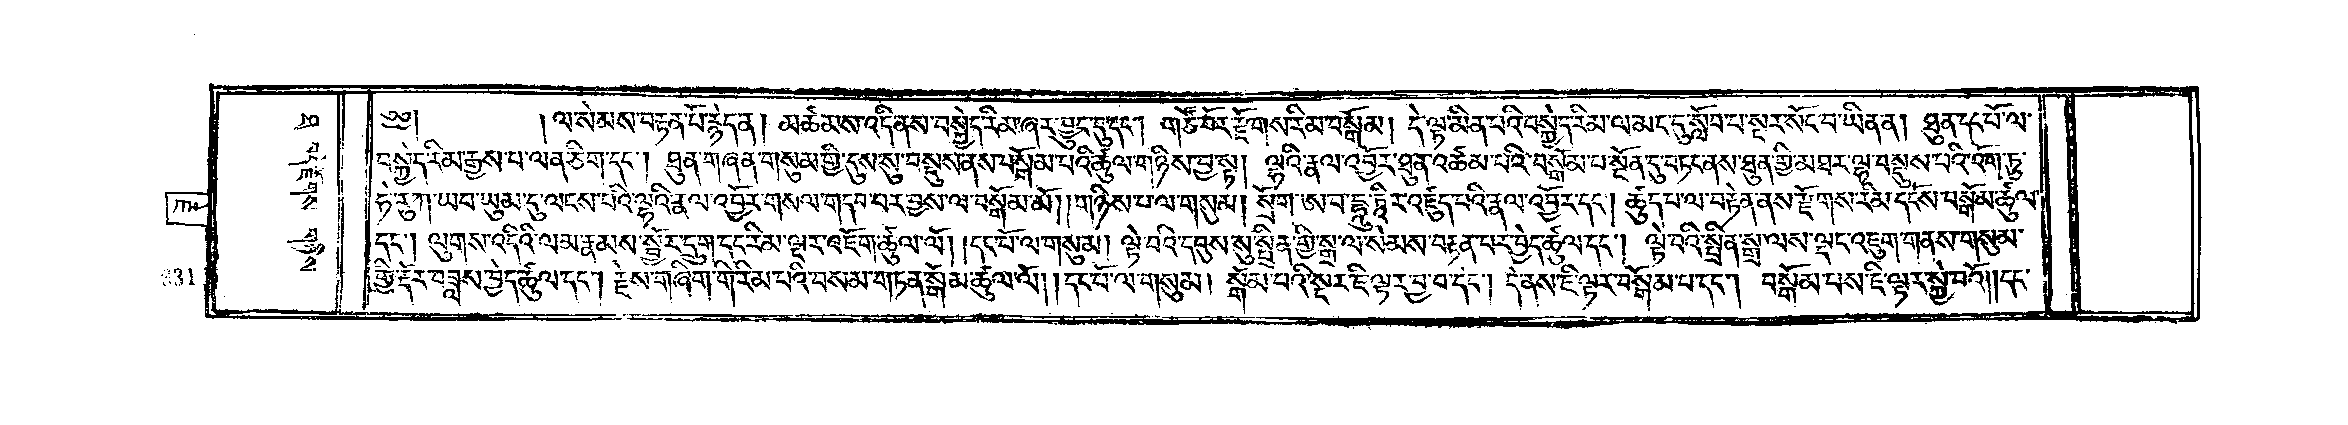༄༅། །ལ་སེམས་བརྟན་པོ་རྙེད་ན། མཚམས་འདི་ནས་བསྐྱེད་རིམ་ཞར་བྱུང་དུ་དང་། གཙོ་བོར་རྫོགས་རིམ་བསྒོམ། དེ་ལྟ་མིན་པའི་བསྐྱེད་རིམ་ལ་མང་དུ་སློབ་པ་སྔར་སོང་བ་ཡིན་ན། ཐུན་དང་པོ་ལ་
བསྐྱེད་རིམ་རྒྱས་པ་ལན་ཅིག་དང་། ཐུན་གཞན་གསུམ་གྱི་དུས་སུ་བསྡུས་ནས་བསྒོམ་པའི་ཚུལ་གཉིས་བྱ་སྟེ། ལྷའི་རྣལ་འབྱོར་ཐུན་འཚམ་པ་རེ་བསྒོམ་པ་སྔོན་དུ་བཏང་ནས་ཐུན་གྱི་མཐར་ལྷ་བསྡུས་པའི་འོག་ཏུ་
ཧེ་རུ་ཀ་ཡབ་ཡུམ་དུ་ལངས་པའི་ལྷའི་རྣལ་འབྱོར་གསལ་གདབ་པར་བྱས་ལ་བསྒོམ་མོ། །གཉིས་པ་ལ་གསུམ། སྲོག་ཨ་བ་དྷཱུ་ཏཱིར་འཛུད་པའི་རྣལ་འབྱོར་དང་། ཚུད་པ་ལ་བརྟེན་ནས་རྫོགས་རིམ་དངོས་བསྒོམ་ཚུལ་
དང་། ལུགས་འདིའི་ལམ་རྣམས་སྦྱོར་དྲུག་དང་རིམ་ལྔར་འཇོག་ཚུལ་ལོ། །དང་པོ་ལ་གསུམ། ལྟེ་བའི་དབུས་སུ་སྤྲིན་གྱི་སྒྲ་ལ་སེམས་བརྟན་པར་བྱེད་ཚུལ་དང་། ལྟེ་བའི་སྤྲིན་སྒྲ་ལས་ལྡང་འཇུག་གནས་གསུམ་
གྱི་རྡོར་བཟླས་བྱེད་ཚུལ་དང་། རྗེས་གཞིག་གི་རིམ་པའི་བསམ་གཏན་སྒོམ་ཚུལ་ལོ། །དང་པོ་ལ་གསུམ། སྒོམ་པའི་སྔར་ཇི་ལྟར་བྱ་བ་དང་། དེ་ནས་ཇི་ལྟར་བསྒོམ་པ་དང་། བསྒོམ་པས་ཇི་ལྟར་སྐྱེ་བའོ། །དང་